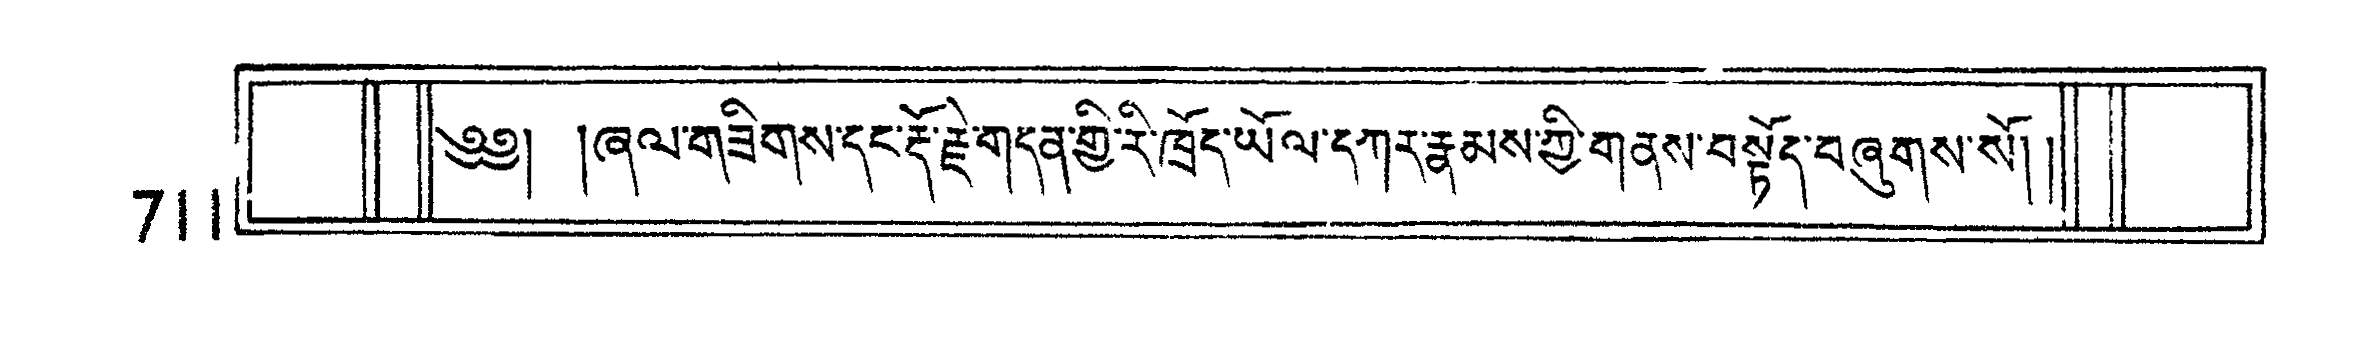༄༅། །ཞལ་གཟིགས་དང་རྡོ་རྗེ་གདན་གྱི་རི་ཁྲོད་ཡོལ་དཀར་རྣམས་ཀྱི་གནས་བསྟོད་བཞུགས་སོ། །